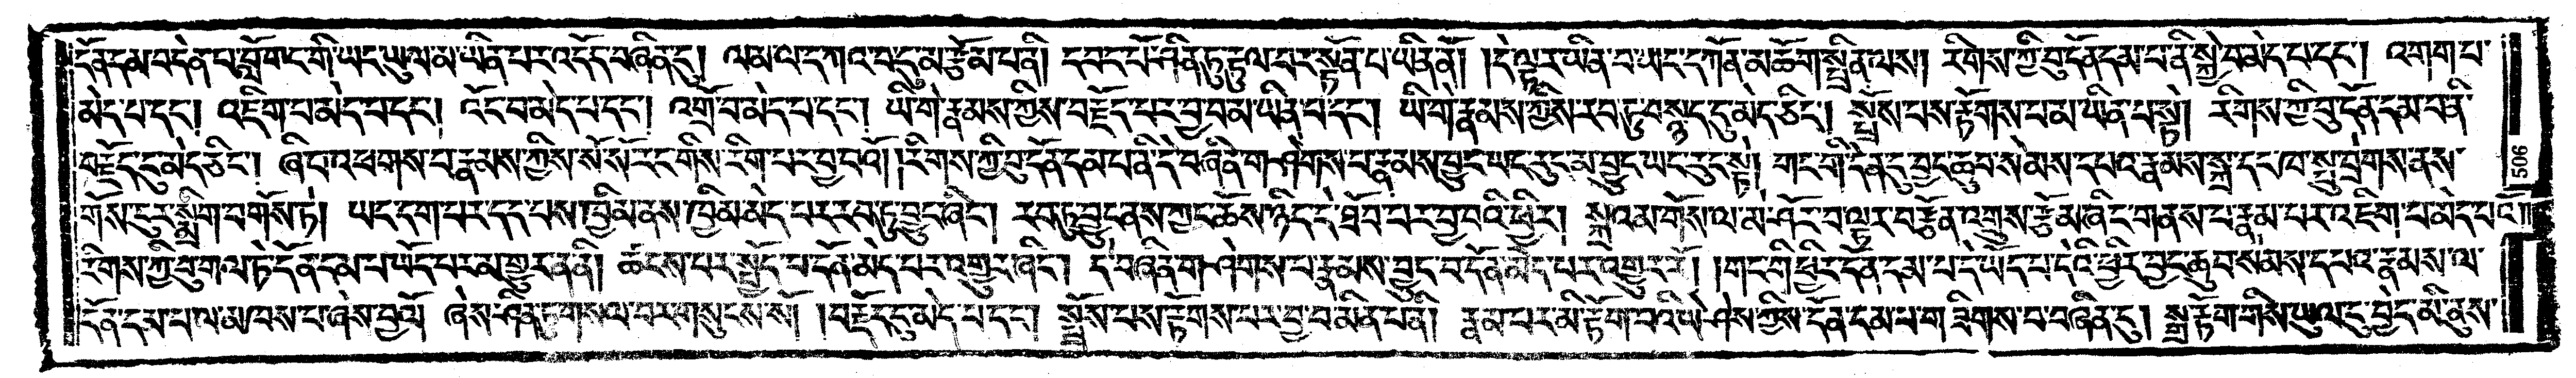དོན་དམ་བདེན་པ་བློ་གང་གི་ཡང་ཡུལ་མ་ཡིན་པར་འདོད་བཞིན་དུ། ལམ་ལ་དཀའ་བ་དུ་མ་རྩོམ་པ་ནི། དབང་པོ་ཤིན་ཏུ་རྟུལ་བར་སྟོན་པ་ཡིན་ནོ། །དེ་ལྟར་ཡིན་པ་ཡང་དཀོན་མཆོག་སྤྲིན་ལས། རིགས་ཀྱི་བུ་དོན་དམ་པ་ནི་སྐྱེ་བ་མེད་པ་དང་། འགག་པ་
མེད་པ་དང་། འཇིག་པ་མེད་པ་དང་། འོང་བ་མེད་པ་དང་། འགྲོ་བ་མེད་པ་དང་། ཡི་གེ་རྣམས་ཀྱིས་བརྗོད་པར་བྱ་བ་མ་ཡིན་པ་དང་། ཡི་གེ་རྣམས་ཀྱིས་རབ་ཏུ་བསྙད་དུ་མེད་ཅིང་། སྤྲོས་པས་རྟོགས་པ་མ་ཡིན་པ་སྟེ། རིགས་ཀྱི་བུ་དོན་དམ་པ་ནི་
བརྗོད་དུ་མེད་ཅིང་། ཞི་བ་འཕགས་པ་རྣམས་ཀྱིས་སོ་སོ་རང་གིས་རིག་པར་བྱ་བའོ། །རིགས་ཀྱི་བུ་དོན་དམ་པ་ནི་དེ་བཞིན་གཤེགས་པ་རྣམས་བྱུང་ཡང་རུང་མ་བྱུང་ཡང་རུང་སྟེ། གང་གི་དོན་དུ་བྱང་ཆུབ་སེམས་དཔའ་རྣམས་སྐྲ་དང་ཁ་སྤུ་བྲེགས་ནས་
གོས་ངུར་སྨྲིག་བགོས་ཏེ། ཡང་དག་པར་དད་པས་ཁྱིམ་ནས་ཁྱིམ་མེད་པར་རབ་ཏུ་བྱུང་ཞིང་། རབ་ཏུ་བྱུང་ནས་ཀྱང་ཆོས་ཉིད་དེ་ཐོབ་པར་བྱ་བའི་ཕྱིར། སྐྲ་འམ་གོས་ལ་མེ་ཤོར་བ་ལྟར་བརྩོན་འགྲུས་རྩོམ་ཞིང་གནས་པ་རྣམ་པར་འཇིག་པ་མེད་པའོ།།
རིགས་ཀྱི་བུ་གལ་ཏེ་དོན་དམ་པ་ཡོད་པར་མ་གྱུར་ན་ནི། ཚངས་པར་སྤྱོད་པ་དོན་མེད་པར་འགྱུར་ཞིང་། དེ་བཞིན་གཤེགས་པ་རྣམས་བྱུང་བ་དོན་མེད་པར་འགྱུར་རོ། །གང་གི་ཕྱིར་དོན་དམ་པ་དེ་ཡོད་པ་དེའི་ཕྱིར་བྱང་ཆུབ་སེམས་དཔའ་རྣམས་ལ་
དོན་དམ་པ་ལ་མཁས་པ་ཞེས་བྱའོ། ཞེས་ཤིན་ཏུ་གསལ་བར་གསུངས་སོ། །བརྗོད་དུ་མེད་པ་དང་། སྤྲོས་པས་རྟོགས་པར་བྱ་བ་མིན་པ་ནི། རྣམ་པར་མི་རྟོག་པའི་ཡེ་ཤེས་ཀྱིས་དོན་དམ་པ་གཟིགས་པ་བཞིན་དུ། སྒྲ་རྟོག་གིས་ཡུལ་དུ་བྱེད་མི་ནུས་